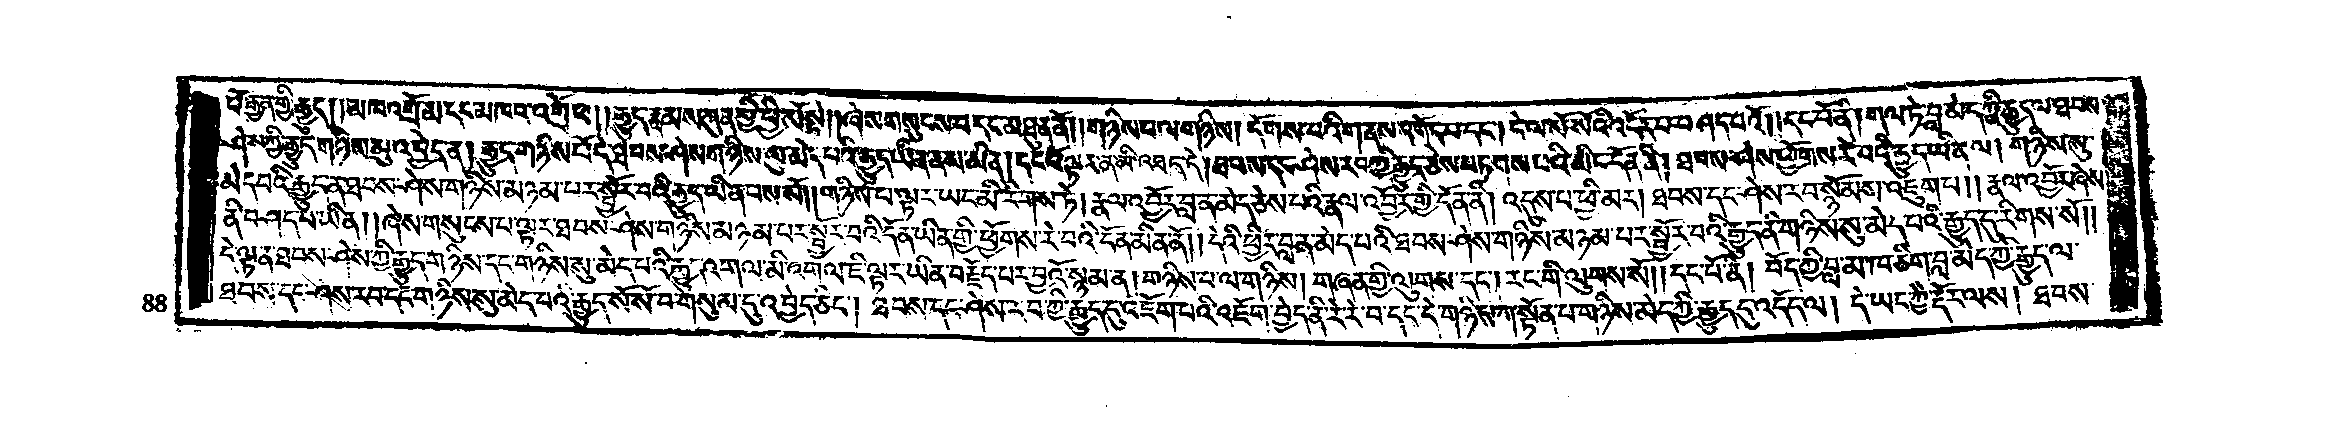པོ་རྒྱན་གྱི་རྒྱུད། །མཁའ་འགྲོ་མ་དང་མཁའ་འགྲོ་ཕ། །རྒྱུད་རྣམས་ཀུན་གྱི་ཕྱི་མོ་སྟེ། །ཞེས་གསུངས་པ་དང་མཐུན་ནོ། །གཉིས་པ་ལ་གཉིས། དོགས་པའི་གནས་དགོད་པ་དང་། དེ་ལ་སོ་སོའི་འདོད་པ་བཤད་པའོ། །དང་པོ་ནི། གལ་ཏེ་བླ་མེད་ཀྱི་རྒྱུད་ལ་ཐབས་
ཤེས་པའི་རྒྱུད་གཉིས་སུ་འབྱེད་ན། རྒྱུད་གཉིས་པོ་དེ་ཐབས་ཤེས་གཉིས་སུ་མེད་པའི་རྒྱུད་ཡིན་ནམ་མིན། དང་པོ་ལྟར་ན་མི་འཐད་དོ། ཐབས་དང་ཤེས་རབ་ཀྱི་རྒྱུད་ཅེས་བཏགས་པའི་མིང་དོན་ནི། ཐབས་ཤེས་ཕྱོགས་རེ་བའི་རྒྱུད་ཡིན་ལ། གཉིས་སུ་
མེད་པའི་རྒྱུད་ནི་ཐབས་ཤེས་གཉིས་མཉམ་པར་སྦྱོར་བའི་རྒྱུད་ཡིན་པས་སོ། །གཉིས་པ་ལྟར་ཡང་མི་རིགས་ཏེ། རྣལ་འབྱོར་བླ་ན་མེད་ཅེས་པའི་རྣལ་འབྱོར་གྱི་དོན་ནི། འདུས་པ་ཕྱི་མར། ཐབས་དང་ཤེས་རབ་སྙོམས་འཇུག་པ། །རྣལ་འབྱོར་ཞེས་
ནི་བཤད་པ་ཡིན། །ཞེས་གསུངས་པ་ལྟར་ཐབས་ཤེས་གཉིས་མཉམ་པར་སྦྱོར་བའི་དོན་ཡིན་གྱི་ཕྱོགས་རེ་བའི་དོན་མིན་ནོ། །དེའི་ཕྱིར་བླ་ན་མེད་པའི་ཐབས་ཤེས་གཉིས་མཉམ་པར་སྦྱོར་བའི་རྒྱུད་ནི་གཉིས་སུ་མེད་པའི་རྒྱུད་དུ་རིགས་སོ། །
དེ་ལྟ་ན་ཐབས་ཤེས་ཀྱི་རྒྱུད་གཉིས་དང་གཉིས་སུ་མེད་པའི་རྒྱུད་འགལ་མི་འགལ་ཇི་ལྟར་ཡིན་བརྗོད་པར་བྱའོ་སྙམ་ན། གཉིས་པ་ལ་གཉིས། གཞན་གྱི་ལུགས་དང་། རང་གི་ལུགས་སོ། །དང་པོ་ནི། བོད་ཀྱི་བླ་མ་ཁ་ཅིག་བླ་མེད་ཀྱི་རྒྱུད་ལ་
ཐབས་དང་ཤེས་རབ་དང་གཉིས་སུ་མེད་པའི་རྒྱུད་སོ་སོ་བ་གསུམ་དུ་འབྱེད་ཅིང་། ཐབས་དང་ཤེས་རབ་ཀྱི་རྒྱུད་དུ་འཇོག་པའི་འཇོག་བྱེད་ནི་རེ་རེ་བ་དང་དེ་གཉིས་ཀྱི་སྟོན་པ་གཉིས་མེད་ཀྱི་རྒྱུད་དུ་འདོད་ལ། དེ་ཡང་ཀྱཻ་རྡོར་ལས། ཐབས་